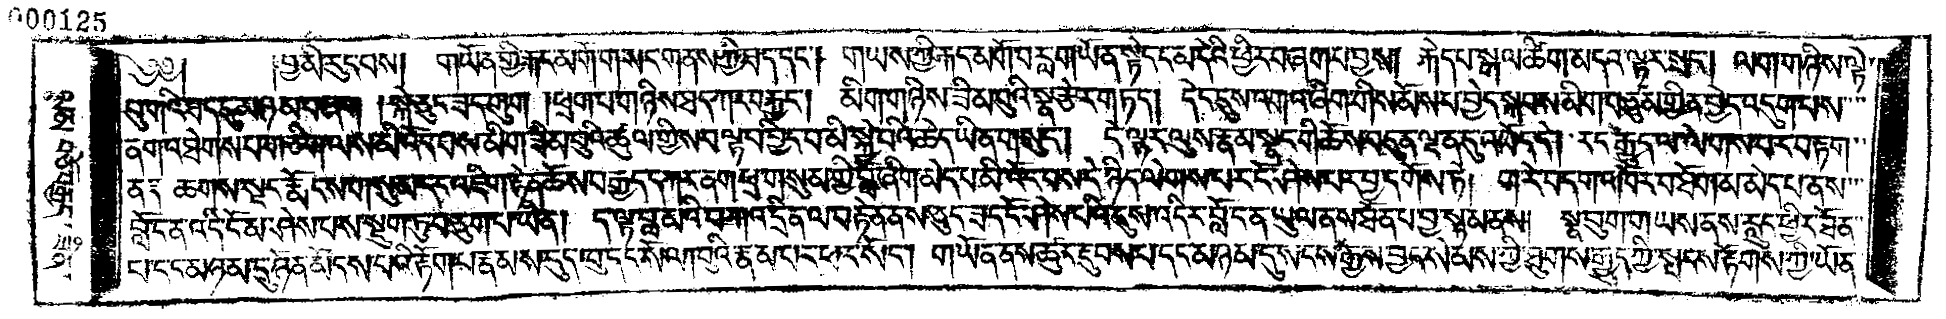༄༅། །བྱ་མི་རུང་བས། གཡོན་གྱི་རྐང་མགོ་གསང་གནས་ཀྱི་ཐད་དང་། གཡས་ཀྱི་རྐང་མགོ་བརླ་གཡོན་སྟེང་དམ་དེའི་ཕྱིར་བཞག་པ་བྱས། རྐེད་པ་སྒལ་ཚིག་མདའ་ལྟར་སྲང་། ལག་གཉིས་ལྟེ་
བུ་གའི་ཐད་དུ་མཉམ་བཞག །སྐེ་ཅུང་ཟད་གུག །ཕྲག་པ་གཉིས་ཐད་ཀར་བརྐྱང་། མིག་གཉིས་ཟིམ་བུའི་སྣ་རྩེར་གཏད། དེང་དུས་འགའ་ཞིག་གིས་མོས་པ་བྱེད་སྐབས་མིག་བཙུམ་གྱིན་བྱེད་འདུག་པས་
ནག་འཐེགས་པ་གཅིག་ལས་མི་འོང་བས་མིག་ཟིམ་བུའི་ཚུལ་གྱིས་བལྟ་བ་བྱིང་བ་མི་སྐྱེ་བའི་ཆེད་ཡིན་གསུང་། དེ་ལྟར་ལུས་རྣམ་སྣང་གི་ཆོས་བདུན་ལྡན་དུ་འཁོད་དེ། རང་རྒྱུད་ལ་ལེགས་པར་བརྟག་
ན༑ ཆགས་སྡང་རྨོངས་གསུམ་དང་འཇིག་རྟེན་ཆོས་བརྒྱད་དཀར་ནག་ཕྲ་གསུམ་གྱི་བློ་ཞིག་མེད་པ་མི་འོང་བས་དེ་ཉིད་ལེགས་པར་ངོ་ཤེས་པར་བྱ་དགོས་ཏེ། ག་རེ་བདག་འཁོར་བ་ཐོག་མ་མེད་པ་ནས་
བློ་ངན་འདི་ངོ་མ་ཤེས་པས་སྡུག་ཏུ་བཅུག་པ་ཡིན། ད་ལྟ་བླ་མའི་བཀའ་དྲིན་ལ་བརྟེན་ནས་ཅུང་ཟད་ངོ་ཤེས་པའི་དུས་འདིར་བློ་ངན་ཡུལ་ནས་ཐོན་པ་བྱ་སྙམ་ནས། སྣ་བུག་གཡས་ནས་རླུང་ཕྱིར་ཐོན་
པ་དང་མཉམ་དུ་ཉོན་མོངས་པའི་རྟོག་པ་རྣམས་དུད་ཁུ་དང་སོལ་ཁུའི་རྣམ་པར་ཕར་སོང་། གཡོན་ནས་ཚུར་རྡུབས་པ་དང་མཉམ་དུ་སངས་རྒྱས་བྱང་སེམས་ཀྱི་ཐུགས་རྒྱུད་ཀྱི་སྤངས་རྟོགས་ཀྱི་ཡོན་